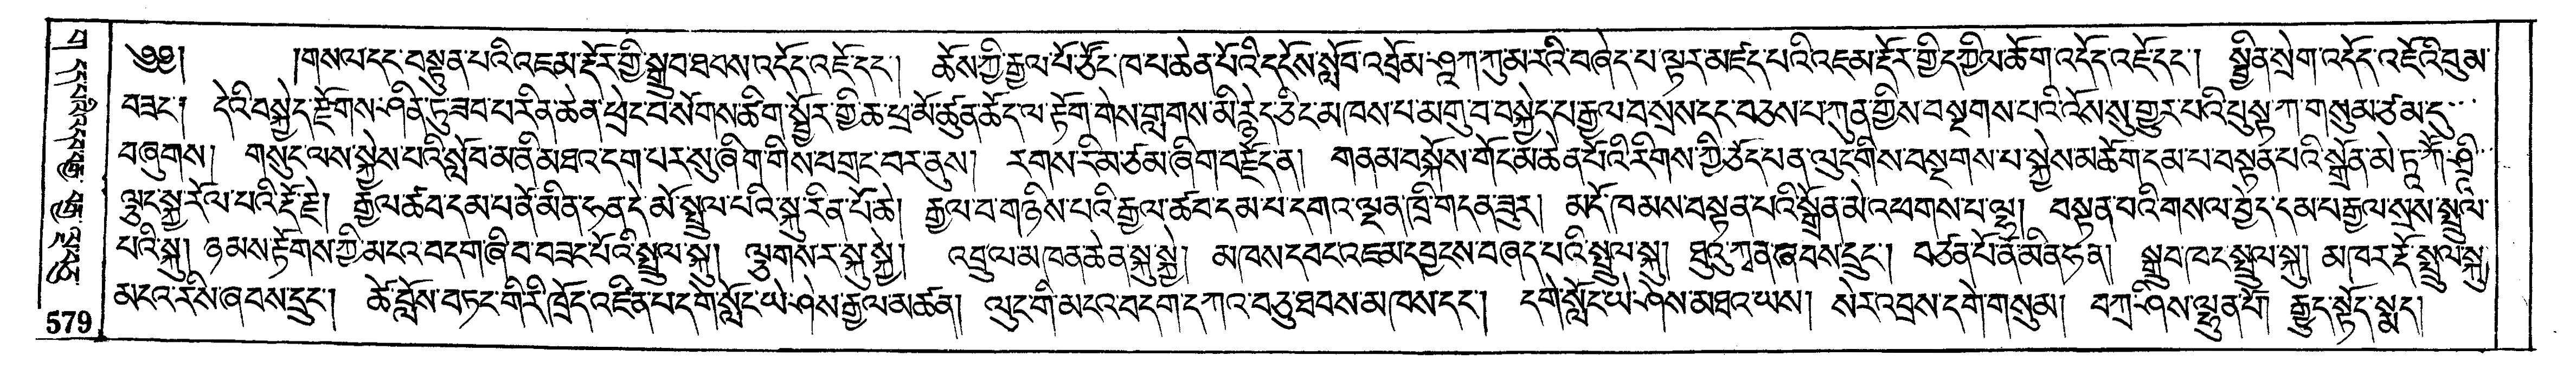༄༅། །གསལ་དང་བསྟུན་པའི་འཇམ་རྡོར་གྱི་སྒྲུབ་ཐབས་འདོད་འཇོ་དང་། ཆོས་ཀྱི་རྒྱ་བོ་ཙོང་ཁ་པ་ཆེན་པོའི་དངོས་སློབ་འབྲོམ་ཤཱཀ་ཀུ་མ་རའི་བཞེས་པ་ལྟར་མཛད་པའི་འཇམ་རྡོར་གྱི་དཀྱིལ་ཆོག་འདོད་འཇོ་དང་། སྦྱིན་སྲེག་འདོད་འཇོའི་བུམ་
བཟད། དེའི་བསྐྱེད་རྫོགས་ཤིན་ཏུ་ཟབ་པ་རིན་ཆེན་འཕྲེང་བ་སོགས་ཚིག་སྦྱོར་གྱི་ཆ་ཕྲ་མོ་ཚུན་ཆོད་ལ་རྟོག་གེས་གླགས་མི་རྙེད་ཅིང་མཁས་པ་མགུབ་བསྐྱེད་པ་རྒྱལ་བ་སྲས་དང་བཅས་པ་ཀུན་གྱིས་བསྔགས་པའི་འོས་སུ་གྱུར་པའི་པུསྟ་ཀ་གསུམ་ཙམ་དུ་
བཞུགས། གསུང་ལས་སྐྱེས་པའི་སློབ་ཨམ་ནི་མཐའ་དག་པར་སུ་ཞིག་གིས་བགྲང་པར་ནུས། རགས་རིམ་ཙམ་ཞིག་བརྗོད་ན། གནམ་བསྐོས་གོང་ཨམ་ཆེན་པོའི་རིགས་ཀྱི་ཅོད་པན་ལུང་གིས་བསྔགས་པ་སྐྱེས་མཆོག་དམ་པ་བསྟན་པའི་སྒྲོན་མེ་ཏཱ་ཀཽ་ཤྲཱི་
ལྕང་སྐྱ་རོལ་པའི་རྡོ་རྗེ། རྒྱལ་ཚབ་དམ་པ་ནོ༩་མིན་ཧན་དེ་མོ་སྤྲུལ་པའི་སྐུ་རིན་པོ་ཆེ། རྒྱལ་བ་གཉིས་པའི་རྒྱལ་ཚབ་དམ་པ་དགའ་ལྡན་ཁྲི་གདན་ཟུར། མདོ་ཁམས་བསྟན་པའི་སྒྲོན་མེ་འཕགས་པ་ལྷ། བསྟན་པའི་གསལ་བྱེད་དམ་པ་རྒྱལ་སྲས་སྤྲུལ་
པའི་སྐུ། ཉམས་རྟོག་ཀྱི་མངའ་བདག་ཞིབ་བཟང་པོའི་སྤྲུལ་སྐུ། ལྕགས་ར་སྐུ་སྐྱེ། འབྲུལ་མཁན་ཆེན་སྐུ་སྐྱེས། མཁས་དབང་འཇམ་དབྱངས་བཞད་པའི་སྤྲུལ་སྐུ། ཐུའུ་ཀྭན་ཞབས་དྲུང་། བཙན་པོ་ནོ་མིན་ཧ་ན། སྒྲུབ་ཁང་སྤྲུལ་སྐུ། མཁར་རྡོ་སྤྲུལ་སྐུ་
མངའ་རིས་ཞབས་དྲུང་། ཚེ་བློས་བཏང་གི་རི་ཁྲོད་འཛིན་པ་དགེ་སློང་ཡེ་ཤེས་རྒྱལ་མཚན། ལུང་གི་མངའ་བདག་དཀའ་བཅུ་ཐབས་མཁས་དང་། དགེ་སློང་ཡེ་ཤེས་མཐའ་ཡས། སེར་འབྲས་དགེ་གསུམ། བརྐ་ཤིས་ལྷུན་པོ། རྒྱུད་སྟོད་སྨད།